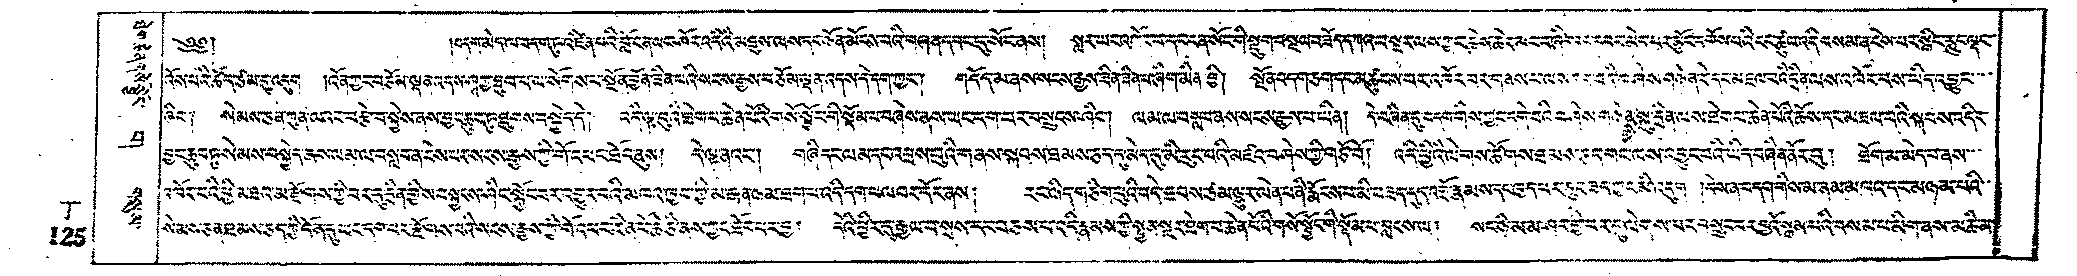༄༅། །བདག་མེད་ལ་བདག་ཏུ་འཛིན་པའི་བློ་ངན་ལང་ཤོར་འདིའི་མཐུས་ལས་དང་ཉོན་མོངས་པའི་གཞན་དབང་དུ་སོང་ནས། སླར་ཡང་འཁོར་བ་དང་ངན་སོང་གི་སྡུག་བསྔལ་བཟོད་དཀའ་བ་སྔར་ལས་ཀྱང་ཆེས་ཆེར་མང་བ་ཞིག་རང་དབང་མེད་པར་མྱོང་དགོས་པའི་ངང་ཚུལ་འདི་བསམ་ན་ངེས་པར་སྙིང་རླུང་ལྡང་་་
འོས་པའི་ཚོད་ཙམ་དུ་འདུག །འོན་ཀྱང་བཅོམ་ལྡན་འདས་ཤཱཀྱ་ཐུབ་པ་ལ་སོགས་པ་སྔོན་བྱོན་ཟིན་པའི་སངས་རྒྱས་བཅོམ་ལྡན་འདས་དེ་དག་ཀྱང་། གདོད་མ་ནས་སངས་རྒྱས་ཅིན་ཟིན་པ་ཞིག་མིན་གྱི། སྔོན་བདག་ཅག་དང་མཚུངས་པར་འཁོར་བར་གནས་བྱ་ལས་དགེ་བའི་བཤེས་གཉེན་རེ་དང་མཇལ་བའི་དྲིན་ལས་འཁོར་བས་ཡིད་འབྱུང་་་
ཞིང༑ སེམས་ཅན་ཀུན་ལའང་བརྩེ་བ་སྐྱེས་ནས་བྱང་ཆུབ་ཏུ་ཐུགས་བསྐྱེད་དེ། འདི་ལྟ་བུའི་ཐེག་པ་ཆེན་པོའི་གསོ་སྦྱོང་གི་སྡོམ་པ་བཞེས་ནས་ཡང་དག་པར་བསྲུངས་ཤིང་། ལམ་ལ་བསླབ་ནས་སངས་རྒྱས་པ་ཡིན། དེ་བཞིན་དུ་བདག་གིས་ཀྱང་དགེ་བའི་བཤེས་གཉེན་གྱི་སྐུ་དྲིན་ལས་ཐེག་པ་ཆེན་པོའི་ཆོས་དང་མཇལ་བའི་སྐབས་འདིར་
བྱང་ཆུབ་ཏུ་སེམས་བསྐྱེད་ནས་ལམ་ལ་བསླབ་ན་ངེས་པར་སངས་རྒྱས་ཀྱི་གོ་འཕང་ཐོབ་ནུས། དེ་ལྟ་ནའང་། གཞི་དང་ལམ་དང་འབྲས་བུའི་གནས་སྐབས་ཐམས་ཅད་དུ་མེད་དུ་མི་རུང་པའི་མཛའ་བཤེས་ཀྱི་གཙོ་བོ། འདི་ཕྱིའི་ལེགས་ཚོགས་ཐམས་ཅད་གང་ལས་འབྱུང་བའི་ཡིད་བཞིན་ནོར་བུ། ཐོག་མ་མེད་པ་ནས་་་
འཁོར་བའི་ཕྱི་མཐའ་མ་རྫོགས་ཀྱི་བར་དུ་དྲིན་གྱིས་བསྐྱངས་ཤིང་སྐྱོང་བར་འགྱུར་བའི་མཁའ་ཁྱབ་ཀྱི་མ་རྒན་ཉམ་ཐག་པ་འདི་དག་ཡལ་བར་དོར་ནས། རང་ཉིད་གཅིག་པུའི་བདེ་ཐམས་ཙམ་ལྷུར་ལེན་པ་ནི་རྨོངས་པ་མི་བཟད་དུད་འགྲོ་རྣམས་དང་ཁྱད་པར་ཅུང་ཟད་ཀྱང་མི་འདུག །དེས་ན་བདག་གིས་མ་ནམ་མཁའ་དང་མཉམ་པའི་་་
སེམས་ཅན་ཐམས་ཅད་ཀྱི་དོན་དུ་ཡང་དག་པར་རྫོགས་པའི་སངས་རྒྱས་ཀྱི་གོ་འཕང་རིན་པོ་ཆེ་ཅི་ནས་ཀྱང་ཐོབ་པར་བྱ། དེའི་ཕྱིར་དུ་རྒྱལ་བ་སྲས་དང་བཅས་པ་འདི་རྣམས་ཀྱི་སྤྱན་སྔར་ཐེག་པ་ཆེན་པོའི་གསོ་སྦྱོང་གི་སྡོམ་པ་བླངས་ལ། སང་ཉི་མ་མ་ཤར་གྱི་བར་དུ་ལེགས་པར་བསྲུང་བར་བྱའོ་སྙམ་པའི་བསམ་པ་མིག་ནས་མཆི་མ་